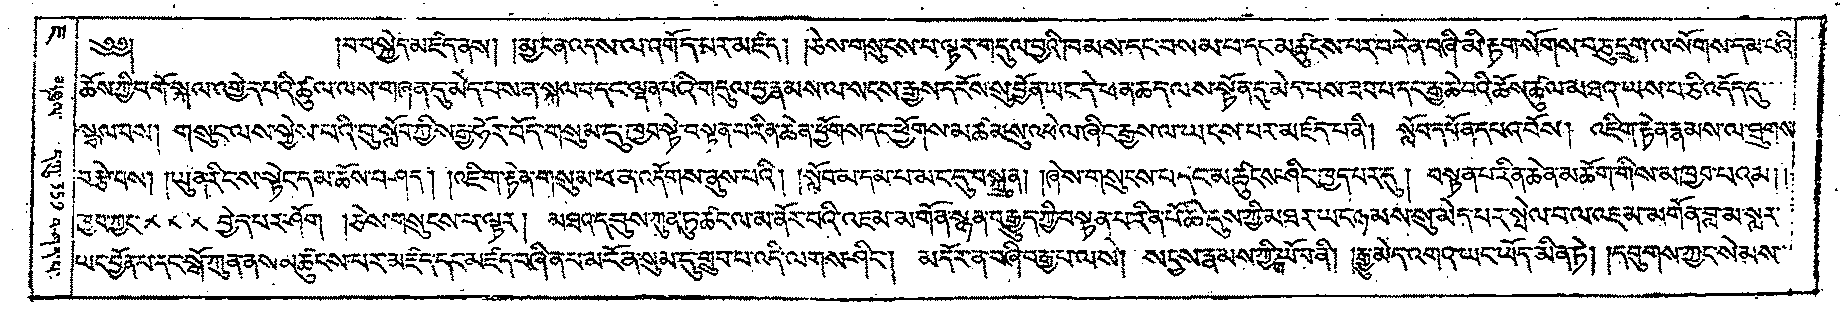༄༅། །བ་བསྐྱེད་མཛད་ནས། །མྱ་ངན་འདས་ལ་འགོད་པར་མཛད། །ཅེས་གསུངས་པ་ལྟར་གདུལ་བྱའི་ཁམས་དང་བསམ་པ་དང་མཚུངས་པར་བདེན་བཞི་མི་རྟག་སོགས་བཅུ་དྲུག་ལ་སོགས་དམ་པའི་
ཆོས་ཀྱི་བགོ་སྐལ་འགྱེད་པའི་ཚུལ་ལས་གཞན་དུ་མེད་པས་ན་སྐལ་བ་དང་ལྡན་པའི་གདུལ་བྱ་རྣམས་ལ་སངས་རྒྱས་དངོས་སུ་བྱོན་ཡང་དེ་ཕན་ཆད་ལས་སྟོན་དུ་མེད་པས་ཟབ་པ་དང་རྒྱ་ཆེ་བའི་ཆོས་ཚུལ་མཐའ་ཡས་པ་ཅི་འདོད་དུ་
སྩལ་བས། གསུང་ལས་སྐྱེས་པའི་བུ་སློབ་ཀྱིས་རྒྱ་ཧོར་བོད་གསུམ་དུ་ཁྱབ་སྟེ་བསྟན་པ་རིན་ཆེན་ཕྱོགས་དང་ཕྱོགས་མཚམས་སུ་འཕེལ་ཞིང་རྒྱས་ལ་ཡངས་པར་མཛད་པ་ནི། སློབ་དཔོན་དཔའ་བོས། འཇིག་རྟེན་རྣམས་ལ་ཐུགས་
བརྩེ་བས། །ཡུན་རིང་ས་སྟེང་དམ་ཆོས་བཤད། །འཇིག་རྟེན་གསུམ་ཕན་འདོགས་ནུས་པའི། །སློབ་མ་དམ་པ་མང་དུ་བསྐྲུན། །ཞེས་གསུངས་པ་དང་མཚུངས་ཤིང་ཁྱད་པར་དུ། བསྟན་པ་རིན་ཆེན་མཆོག་གིས་མ་ཁྱབ་པའམ། །
ཁྱབ་ཀྱང་྾་྾་྾་བྱེད་པར་ཤོག །ཅེས་གསུངས་པ་ལྟར། མཐའ་དབུས་ཀུན་ཏུ་ཚང་ལ་མ་ནོར་བའི་འཇམ་མགོན་སྙན་བརྒྱུད་ཀྱི་བསྟན་པ་རིན་པོ་ཆེ་དུས་ཀྱི་མཐར་ཡང་ཉམས་སུ་མེད་པར་སྤེལ་བ་ལ་འཇམ་མགོན་བླ་མ་སླར་
ཡང་བྱོན་པ་དང་སྒོ་ཀུན་ནས་མཚུངས་པར་མཛད་དང་མཛད་བཞིན་པ་མངོན་སུམ་དུ་གྲུབ་པ་འདི་ལགས་ཤིང་། མདོར་ན་བཞི་བརྒྱ་པ་ལས། སངས་རྒྱས་རྣམས་ཀྱི་གཡོ་བ་ནི། །རྒྱུ་མེད་འགའ་ཡང་ཡོད་མིན་ཏེ། །དབུགས་ཀྱང་སེམས་